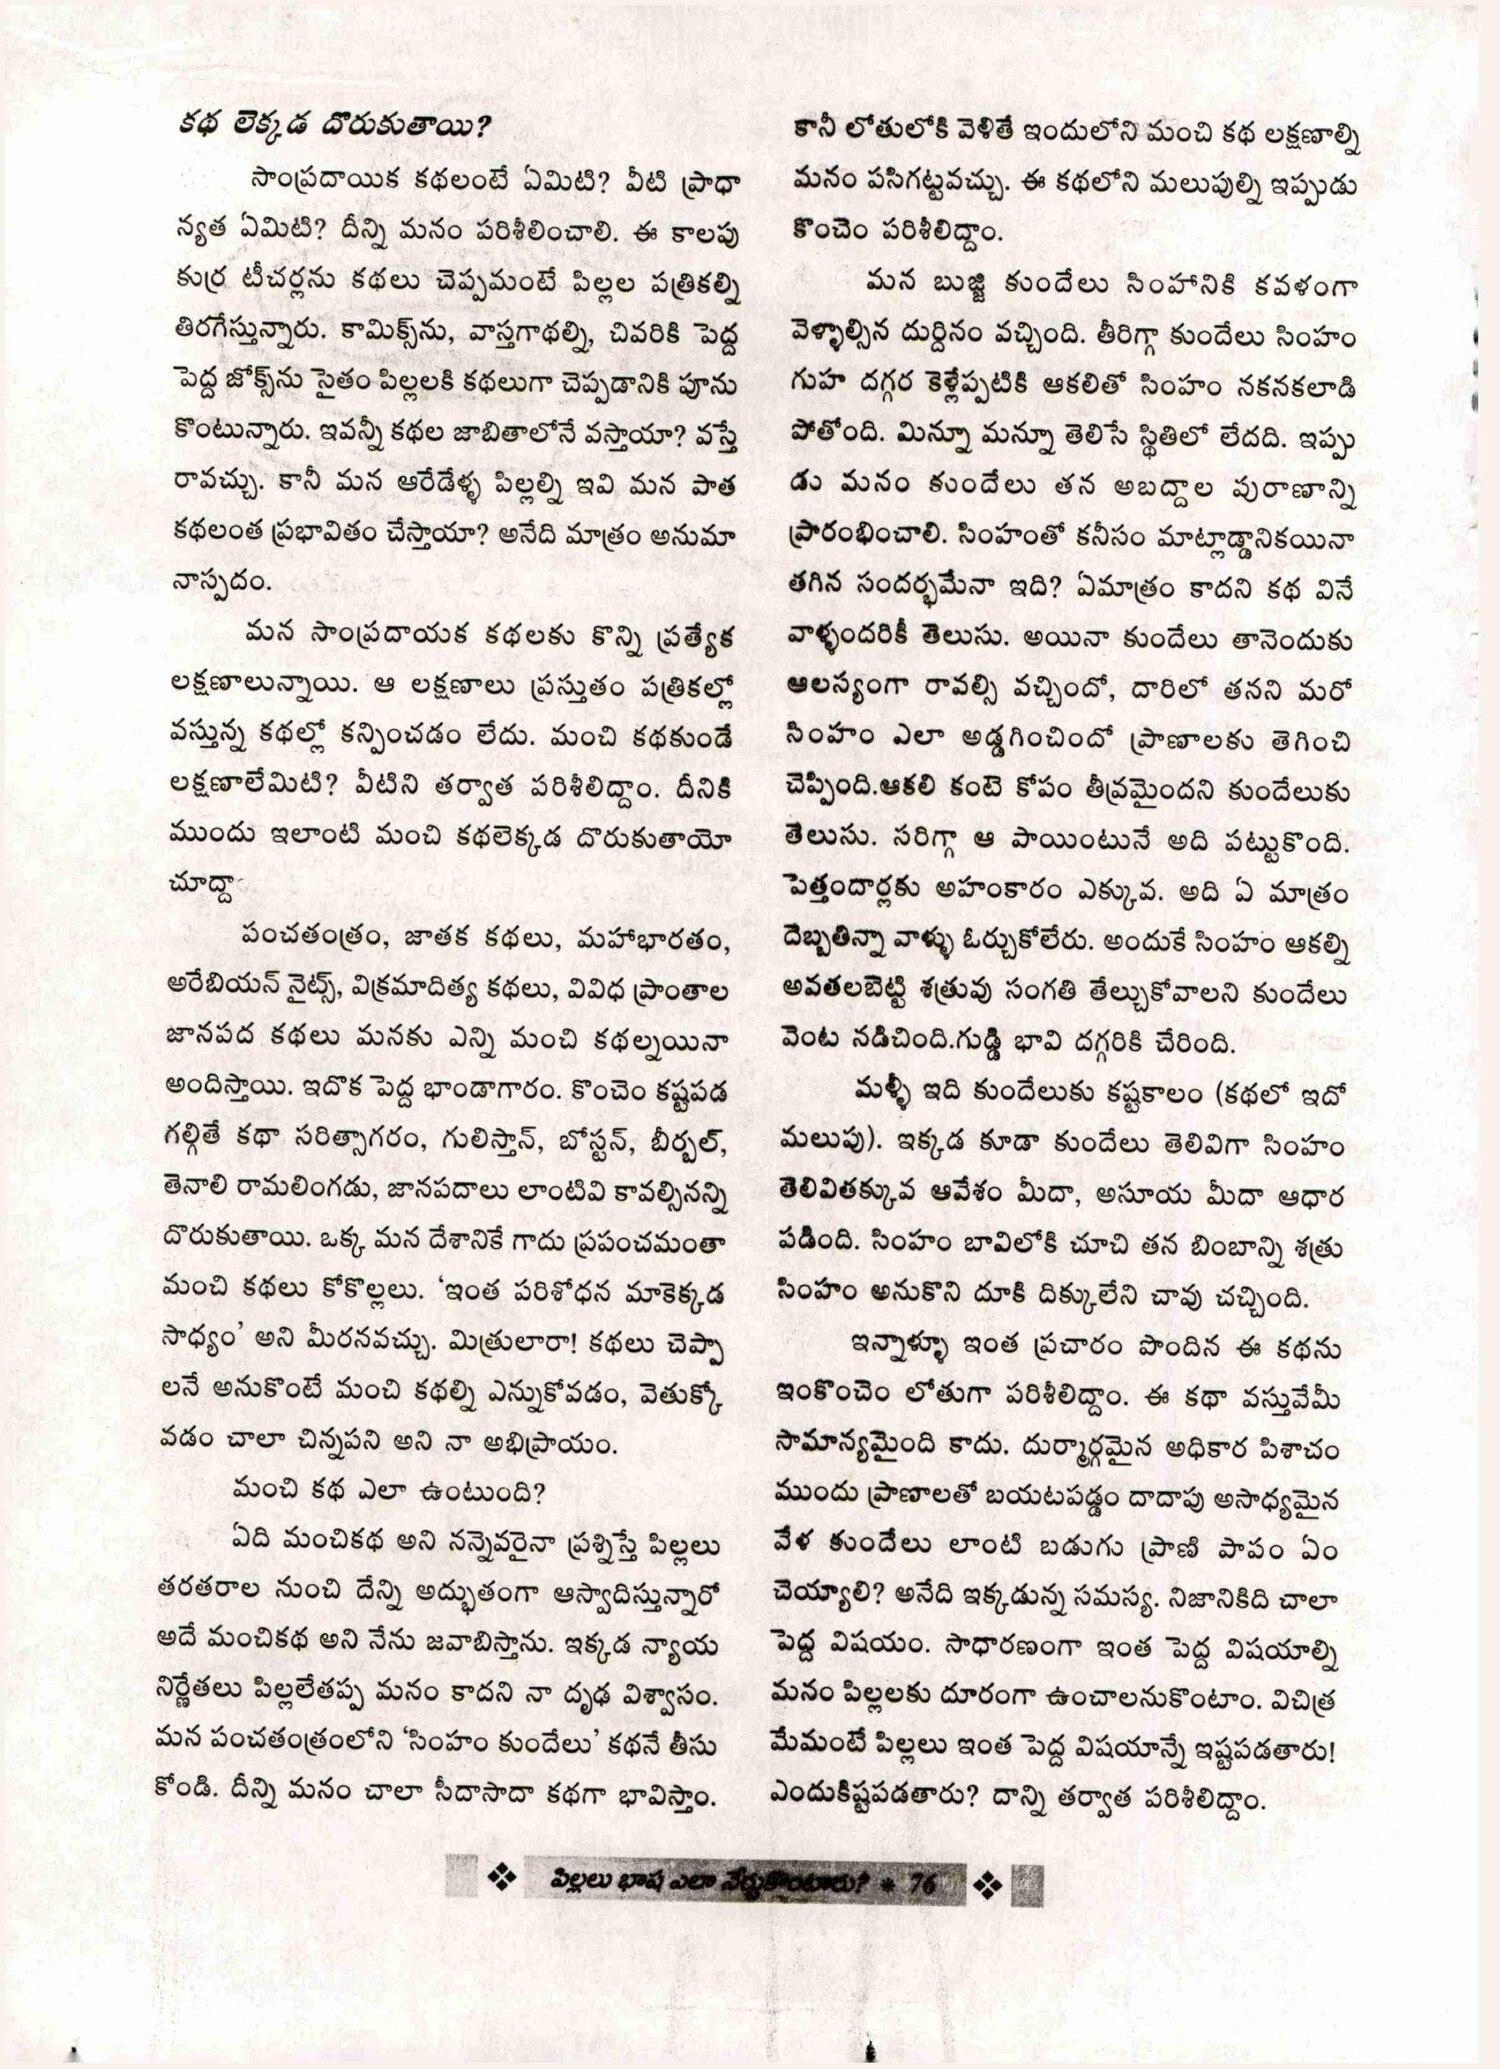కథ లెక్కడ దొరుకుతాయి?

సాంప్రదాయిక కథలంటే ఏమిటి? వీటి ప్రాధాన్యత ఏమిటి? దీన్ని మనం పరిశీలించాలి. ఈ కాలపు కుర్ర టీచర్లను కథలు చెప్పమంటే పిల్లల పత్రికల్ని తిరగేస్తున్నారు. కామిక్స్‌ను , వాస్తగాథల్ని, చివరికి పెద్ద పెద్ద జోక్స్‌ను సైతం పిల్లలకి కథలుగా చెప్పడానికి పూనుకొంటున్నారు. ఇవన్నీ కథల జాబితాలోనే వస్తాయా? వస్తే రావచ్చు. కానీ మన ఆరేడేళ్ళ పిల్లల్ని ఇవి మన పాతకథలంత ప్రభావితం చేస్తాయా? అనేది మాత్రం అనుమానాస్పదం.

మన సాంప్రదాయక కథలకు కొన్ని ప్రత్యేక లక్షణాలున్నాయి. ఆ లక్షణాలు ప్రస్తుతం పత్రికల్లో వస్తున్న కథల్లో కన్పించడం లేదు. మంచి కథకుండే లక్షణాలేమిటి? వీటిని తర్వాత పరిశీలిద్దాం. దీనికి ముందు ఇలాంటి మంచి కథలెక్కడ దొరుకుతాయో చూద్దాం

పంచతంత్రం, జాతక కథలు, మహాభారతం, అరేబియన్ నైట్స్, విక్రమాదిత్య కథలు, వివిధ ప్రాంతాల జానపద కథలు మనకు ఎన్ని మంచి కథల్నయినా అందిస్తాయి. ఇదొక పెద్ద భాండాగారం. కొంచెం కష్టపడ గల్గితే కథా సరిత్సాగరం, గులిస్తాన్, బోస్టన్, బీర్బల్, తెనాలి రామలింగడు, జానపదాలు లాంటివి కావల్సినన్ని దొరుకుతాయి. ఒక్క మన దేశానికే గాదు ప్రపంచమంతా మంచి కథలు కోకొల్లలు. 'ఇంత పరిశోధన మాకెక్కడ సాధ్యం' అని మీరనవచ్చు. మిత్రులారా! కథలు చెప్పాలనే అనుకొంటే మంచి కథల్ని ఎన్నుకోవడం, వెతుక్కోవడం చాలా చిన్నపని అని నా అభిప్రాయం.

మంచి కథ ఎలా ఉంటుంది?

ఏది మంచికథ అని నన్నెవరైనా ప్రశ్నిస్తే పిల్లలు తరతరాల నుంచి దేన్ని అద్భుతంగా ఆస్వాదిస్తున్నారో అదే మంచికథ అని నేను జవాబిస్తాను. ఇక్కడ న్యాయ నిర్ణేతలు పిల్లలేతప్ప మనం కాదని నా దృఢ విశ్వాసం. మన పంచతంత్రంలోని 'సింహం కుందేలు' కథనే తీసుకోండి. దీన్ని మనం చాలా సీదాసాదా కథగా భావిస్తాం. కానీ లోతులోకి వెళితే ఇందులోని మంచి కథ లక్షణాల్ని మనం పసిగట్టవచ్చు. ఈ కథలోని మలుపుల్ని ఇప్పుడు
కొంచెం పరిశీలిద్దాం.

మన బుజ్జి కుందేలు సింహానికి కవళంగా వెళ్ళాల్సిన దుర్దినం వచ్చింది. తీరిగ్గా కుందేలు సింహం గుహ దగ్గర కెళ్లేప్పటికి ఆకలితో సింహం నకనకలాడి పోతోంది. మిన్నూ మన్నూ తెలిసే స్థితిలో లేదది. ఇప్పుడు మనం కుందేలు తన అబద్దాల పురాణాన్ని ప్రారంభించాలి. సింహంతో కనీసం మాట్లాడ్డానికయినా తగిన సందర్భమేనా ఇది? ఏమాత్రం కాదని కథ వినే వాళ్ళందరికీ తెలుసు. అయినా కుందేలు తానెందుకు ఆలస్యంగా రావల్సి వచ్చిందో, దారిలో తనని మరో సింహం ఎలా అడ్డగించిందో ప్రాణాలకు తెగించి చెప్పింది. ఆకలి కంటె కోపం తీవ్రమైందని కుందేలుకు తెలుసు. సరిగ్గా ఆ పాయింటునే అది పట్టుకొంది. పెత్తందార్లకు అహంకారం ఎక్కువ. అది ఏ మాత్రం
దెబ్బతిన్నా వాళ్ళు ఓర్చుకోలేరు. అందుకే సింహం ఆకల్ని అవతలబెట్టి శత్రువు సంగతి తేల్చుకోవాలని కుందేలు వెంట నడిచింది. గుడ్డి భావి దగ్గరికి చేరింది.

మళ్ళీ ఇది కుందేలుకు కష్టకాలం (కథలో ఇదో మలుపు). ఇక్కడ కూడా కుందేలు తెలివిగా సింహం తెలివితక్కువ ఆవేశం మీదా, అసూయ మీదా ఆధారపడింది. సింహం బావిలోకి చూచి తన బింబాన్ని శత్రు సింహం అనుకొని దూకి దిక్కులేని చావు చచ్చింది.

ఇన్నాళ్ళూ ఇంత ప్రచారం పొందిన ఈ కథను ఇంకొంచెం లోతుగా పరిశీలిద్దాం. ఈ కథా వస్తువేమీ సామాన్యమైంది కాదు. దుర్మార్గమైన అధికార పిశాచం ముందు ప్రాణాలతో బయటపడ్డం దాదాపు అసాధ్యమైన వేళ కుందేలు లాంటి బడుగు ప్రాణి పాపం ఏం చెయ్యాలి? అనేది ఇక్కడున్న సమస్య. నిజానికిది చాలా పెద్ద విషయం. సాధారణంగా ఇంత పెద్ద విషయాల్ని మనం పిల్లలకు దూరంగా ఉంచాలనుకొంటాం. విచిత్ర మేమంటే పిల్లలు ఇంత పెద్ద విషయాన్నే ఇష్టపడతారు! ఎందుకిష్టపడతారు? దాన్ని తర్వాత పరిశీలిద్దాం.